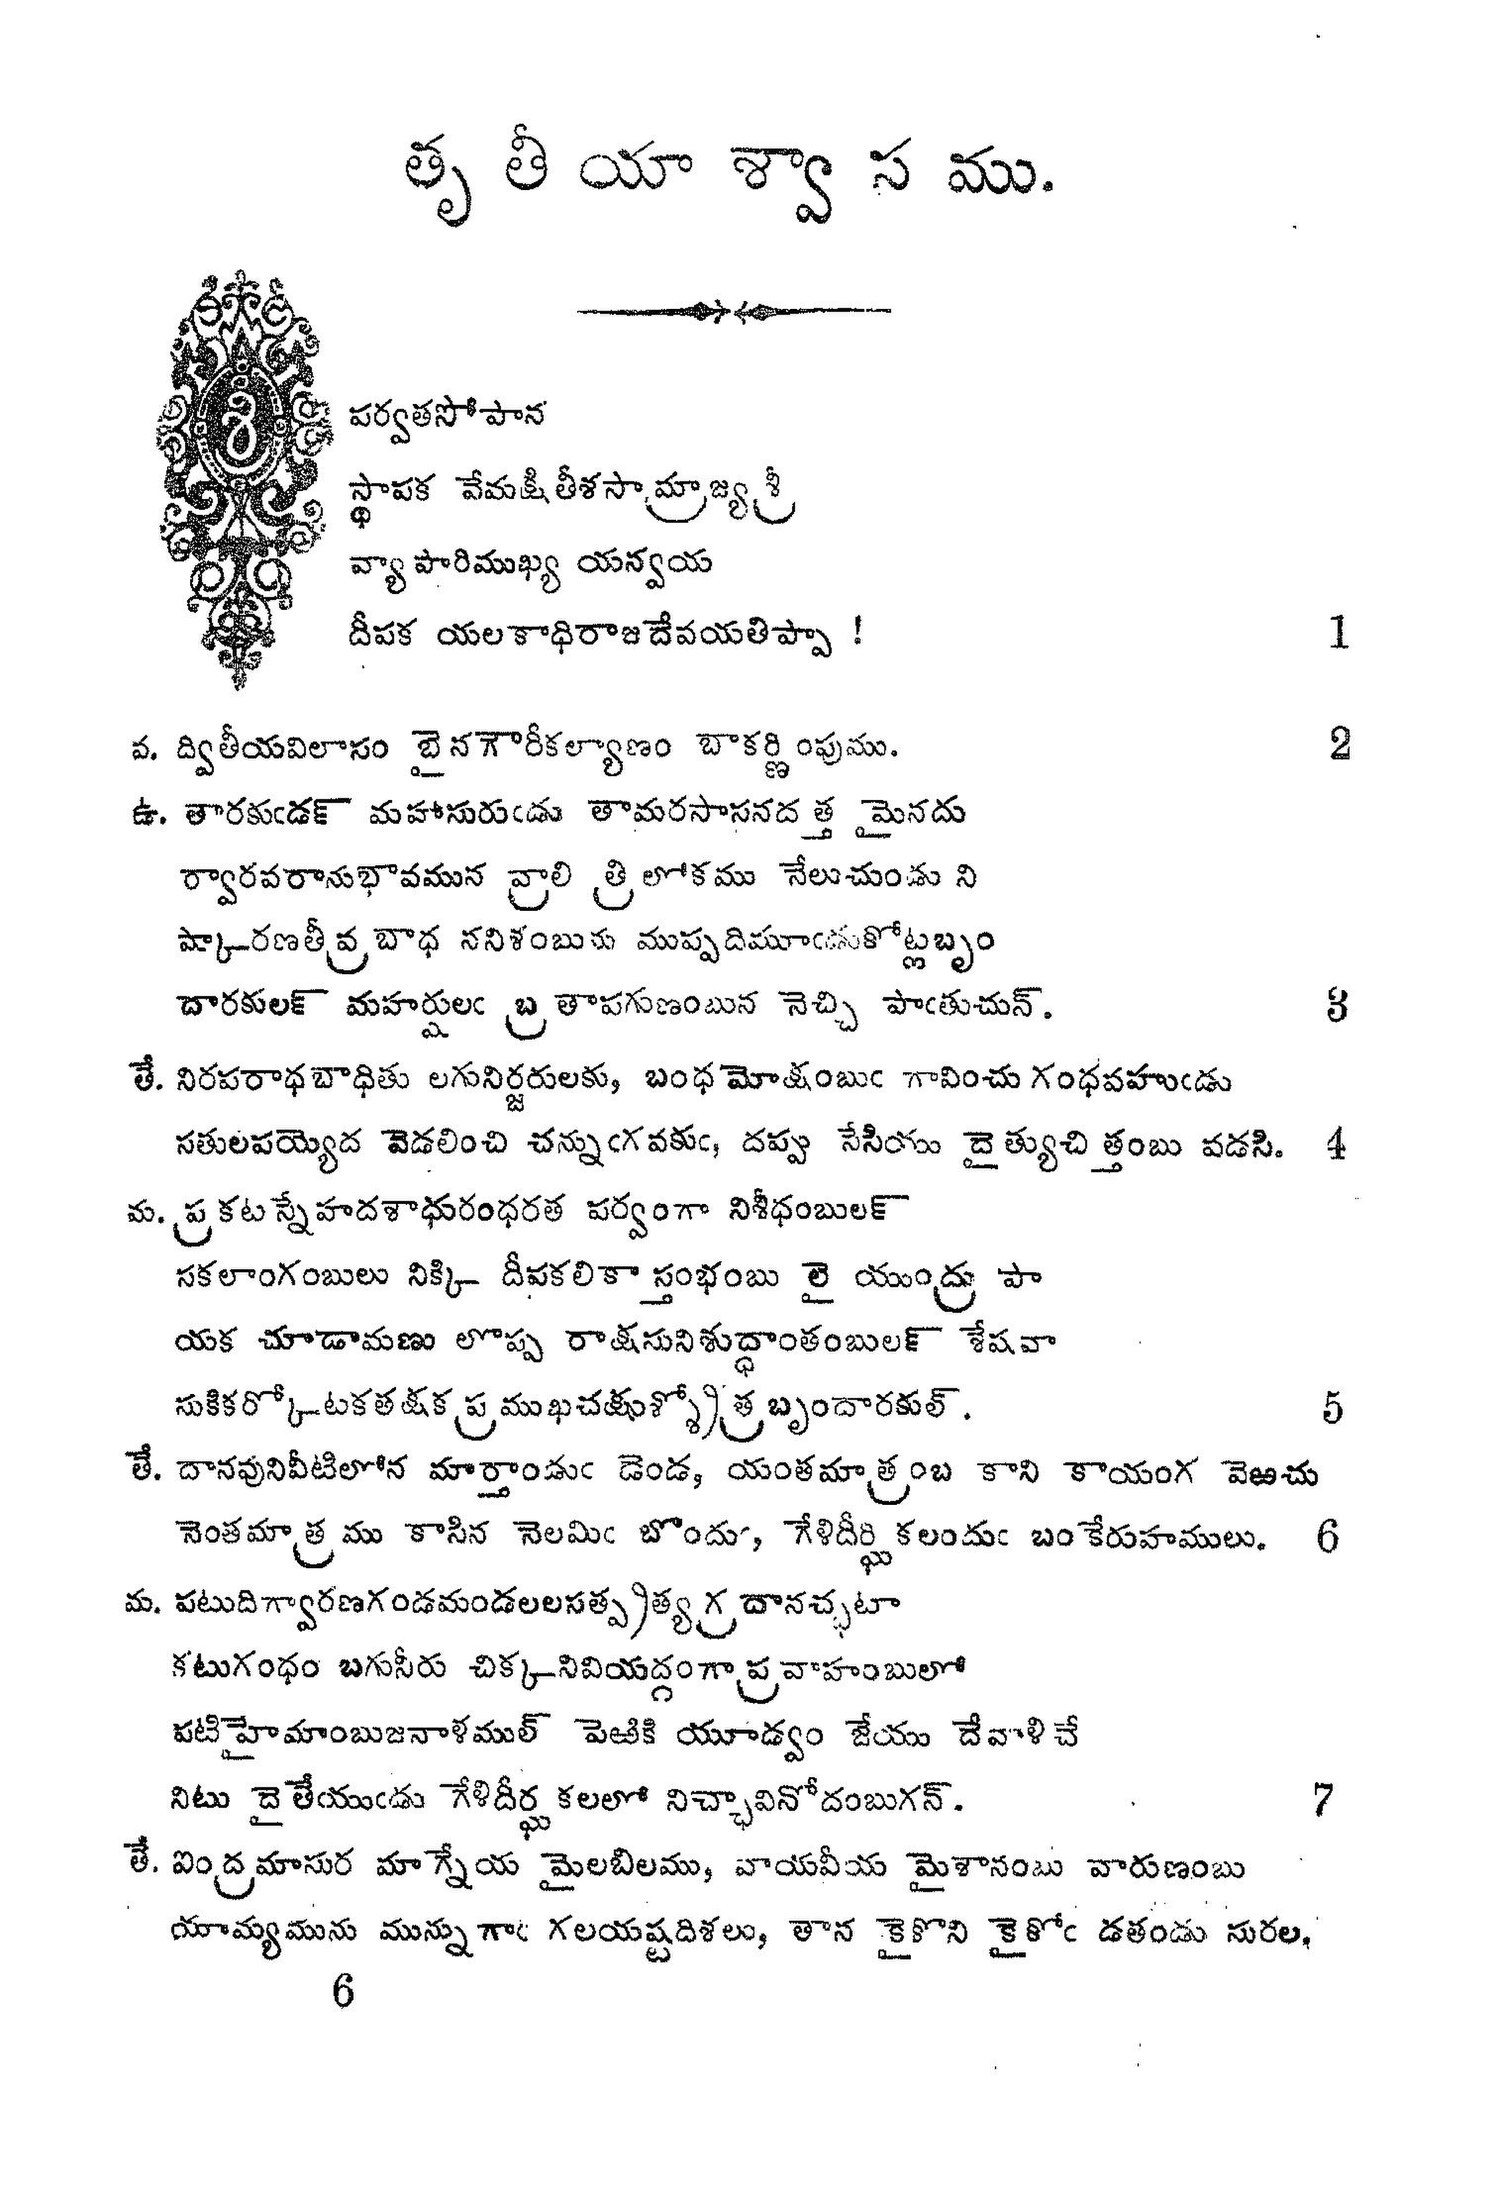తృతీయాశ్వాసము

శ్రీపర్వతసోపాన
స్థాపక వేమక్షితీశసామ్రాజ్యశ్రీ
వ్యాపారిముఖ్య యన్వయ
దీపక యలకాధిరాజ దేవయతిప్పా! 1

వ. ద్వితీయవిలాసం బైన గౌరీకల్యాణం బాకర్ణింపుము. 2

ఉ. తారకుఁడన్ మహాసురుఁడు తామరసాసనదత్త మైనదు
ర్వారవరానుభావమున వ్రాలి త్రిలోకము నేలుచుండు ని
ష్కారణతీవ్రబాధ ననిశంబును ముప్పదిమూఁడుకోట్లబృం
దారకులన్ మహర్షులఁ బ్రతాపగుణంబున నెచ్చి పాఁతుచున్. 3

తే. నిరపరాధబాధితు లగు నిర్జరులకు, బంధమోక్షంబుఁ గావించు గంధవహుఁడు
సతులపయ్యెద వెడలించి చన్నుఁగవకుఁ, దప్పు సేసియు దైత్యుచిత్తంబు వడసి. 4

మ. ప్రకటస్నేహదశాధురంధరత పర్వంగా నిశీధంబులన్
సకలాంగంబులు నిక్కి దీపకలికాస్తంభంబులై యుంద్రు పా
యకచూడామణు లొప్ప రాక్షసునిశుద్దాంతంబులన్ శేషవా
సుకికర్కోటకతక్షకప్రముఖచక్షుశ్శ్రోత్రబృందారకుల్. 5

తే. దానవునివీటిలోన మార్తాండుఁ డెండ, యంతమాత్రంబ కాని కాయంగ వెఱచు
నెంతమాత్రము కాసిన నెలమిఁ బొందు, గేళిదీర్ఘికలందుఁ బంకేరుహములు. 6

మ. పటుదిగ్వారణగండమండలలసత్ప్రత్యగ్రదానచ్చటా
కటుగంధం బగునీరు చిక్కనివియద్గంగాప్రవాహంబులో
పటిహైమాంబుజనాళముల్ పెఱికి యూడ్వం జేయు దేవాళిచే
నిటు దైతేయుఁడు గేళిదీర్ఘికలలో నిచ్ఛావినోదంబుగన్. 7

తే. ఐంద్రమాసుర మాగ్నేయ మైలబిలము, వాయవీయ మైశానంబు వారుణంబు
యామ్యమును మున్నుగాఁ గలయష్టదిశలు, తాన కైకొని కైకోఁ డతండు సురల. 8